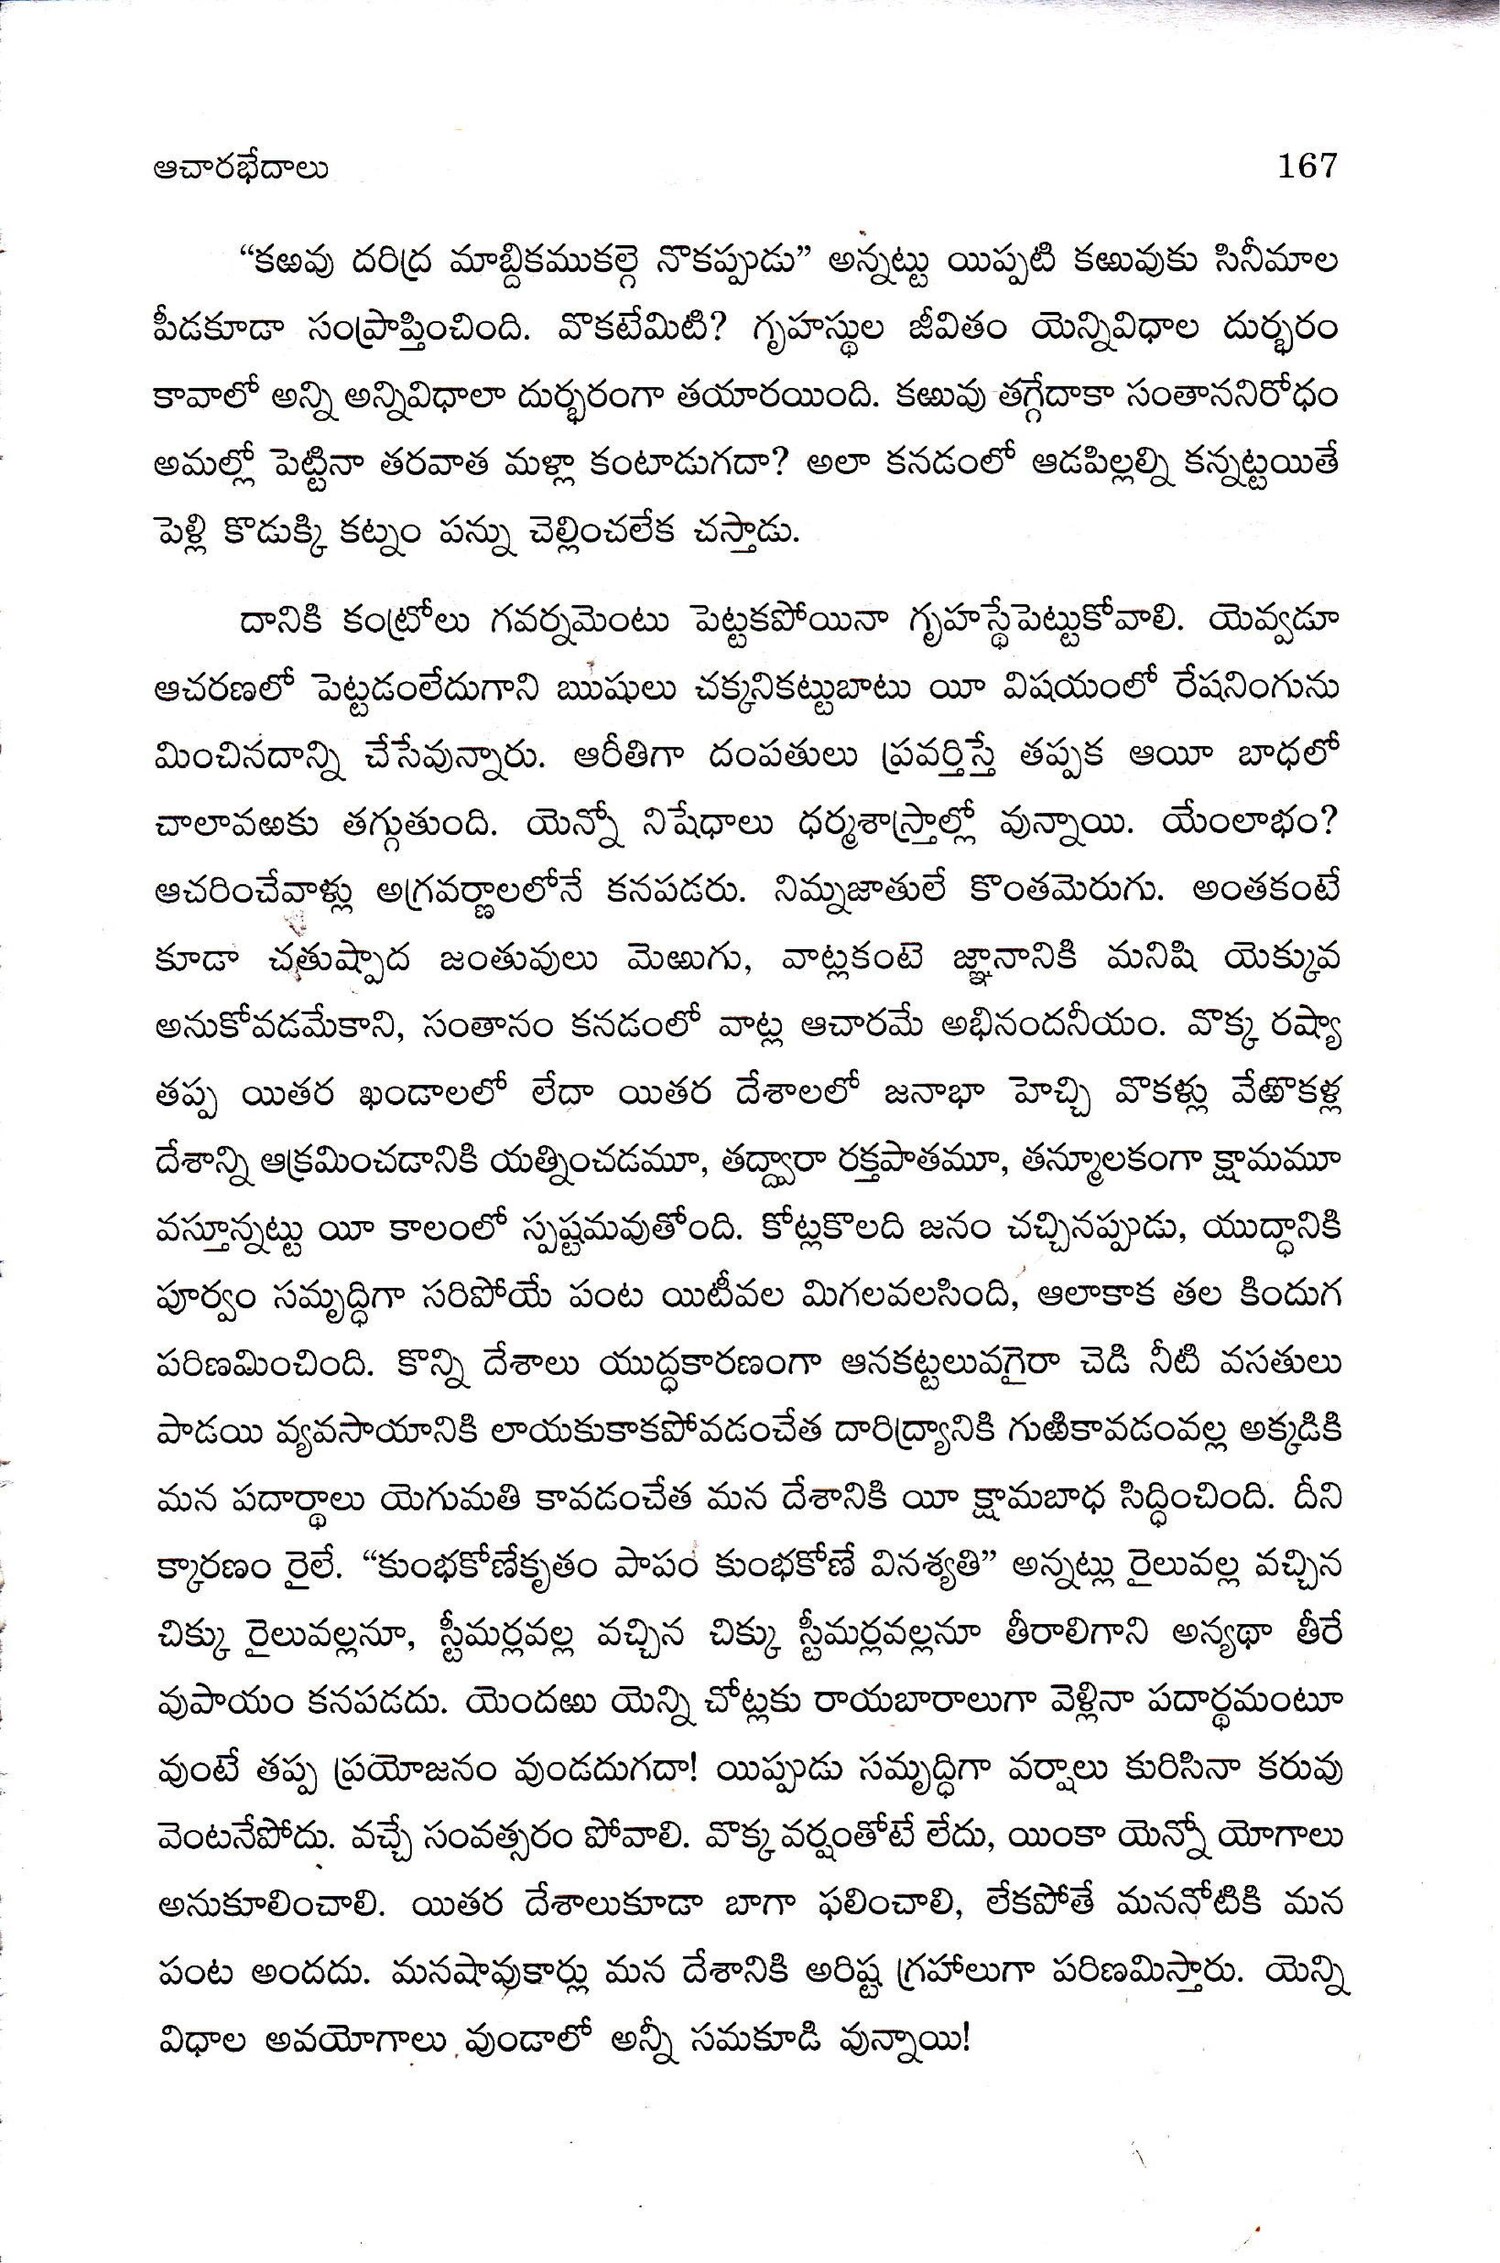"కఱవు దరిద్ర మాబ్దికముకల్గె నొకప్పుడు" అన్నట్టు యిప్పటి కఱువుకు సినీమాల పీడకూడా సంప్రాప్తించింది. వొకటేమిటి? గృహస్థుల జీవితం యెన్నివిధాల దుర్భరం కావాలో అన్ని అన్నివిధాలా దుర్భరంగా తయారయింది. కఱువు తగ్గేదాకా సంతాననిరోధం అమల్లో పెట్టినా తరవాత మళ్లా కంటాడుగదా? అలా కనడంలో ఆడపిల్లల్ని కన్నట్టయితే పెళ్లి కొడుక్కి కట్నం పన్ను చెల్లించలేక చస్తాడు.

దానికి కంట్రోలు గవర్నమెంటు పెట్టకపోయినా గృహస్థేపెట్టుకోవాలి. యెవ్వడూ ఆచరణలో పెట్టడంలేదుగాని ఋషులు చక్కనికట్టుబాటు యీ విషయంలో రేషనింగును మించినదాన్ని చేసేవున్నారు. ఆరీతిగా దంపతులు ప్రవర్తిస్తే తప్పక ఆయినా బాధలో చాలావఱకు తగ్గుతుంది. యెన్నో నిషేధాలు ధర్మశాస్త్రోల్లో వున్నాయి. యేంలాభం? ఆచరించేవాళ్లు అగ్రవర్ణాలలోనే కనపడరు. నిమ్నజాతులే కొంతమెరుగు. అంతకంటే కూడా చతుష్పాద జంతువులు మెఱుగు, వాట్లకంటె జ్ఞానానికి మనిషి యెక్కువ అనుకోవడమేకాని, సంతానం కనడంలో వాట్ల ఆచారమే అభినందనీయం. వొక్క రష్యా తప్ప యితర ఖండాలలో లేదా యితర దేశాలలో జనాభా హెచ్చి వొకళ్లు వేఱొకళ్ల దేశాన్ని ఆక్రమించడానికి యత్నించడమూ, తద్ద్వారా రక్తపాతమూ, తన్మూలకంగా క్షామమూ వస్తూన్నట్టు యీ కాలంలో స్పష్టమవుతోంది. కోట్లకొలది జనం చచ్చినప్పుడు, యుద్ధానికి పూర్వం సమృద్ధిగా సరిపోయే పంట యిటీవల మిగలవలసింది, ఆలాకాక తల కిందుగ పరిణమించింది. కొన్ని దేశాలు యుద్ధకారణంగా ఆనకట్టలువగైరా చెడి నీటి వసతులు పాడయి వ్యవసాయానికి లాయకుకాకపోవడంచేత దారిద్ర్యానికి గుఱికావడంవల్ల అక్కడికి మన పదార్థాలు యెగుమతి కావడంచేత మన దేశానికి యీ క్షామబాధ సిద్ధించింది. దీని క్కారణం రైలే, “కుంభకోణేకృతం పాపం కుంభకోణే వినశ్యతి" అన్నట్లు రైలువల్ల వచ్చిన చిక్కు రైలువల్లనూ, స్టీమర్లవల్ల వచ్చిన చిక్కు స్టీమర్లవల్లనూ తీరాలిగాని అన్యథా తీరే వుపాయం కనపడదు. యెందఱు యెన్ని చోట్లకు రాయబారాలుగా వెళ్లినా పదార్థమంటూ వుంటే తప్ప ప్రయోజనం వుండదుగదా! యిప్పడు సమృద్ధిగా వరాలు కురిసినా కరువు వెంటనేపోదు. వచ్చే సంవత్సరం పోవాలి. వొక్క వర్షంతోటే లేదు, యింకా యెన్నో యోగాలు అనుకూలించాలి. యితర దేశాలుకూడా బాగా ఫలించాలి, లేకపోతే మననోటికి మన పంట అందదు. మనషావుకార్లు మన దేశానికి అరిష్ట గ్రహాలుగా పరిణమిస్తారు. యెన్ని విధాల అవయోగాలు వుండాలో అన్నీ సమకూడి వున్నాయి!